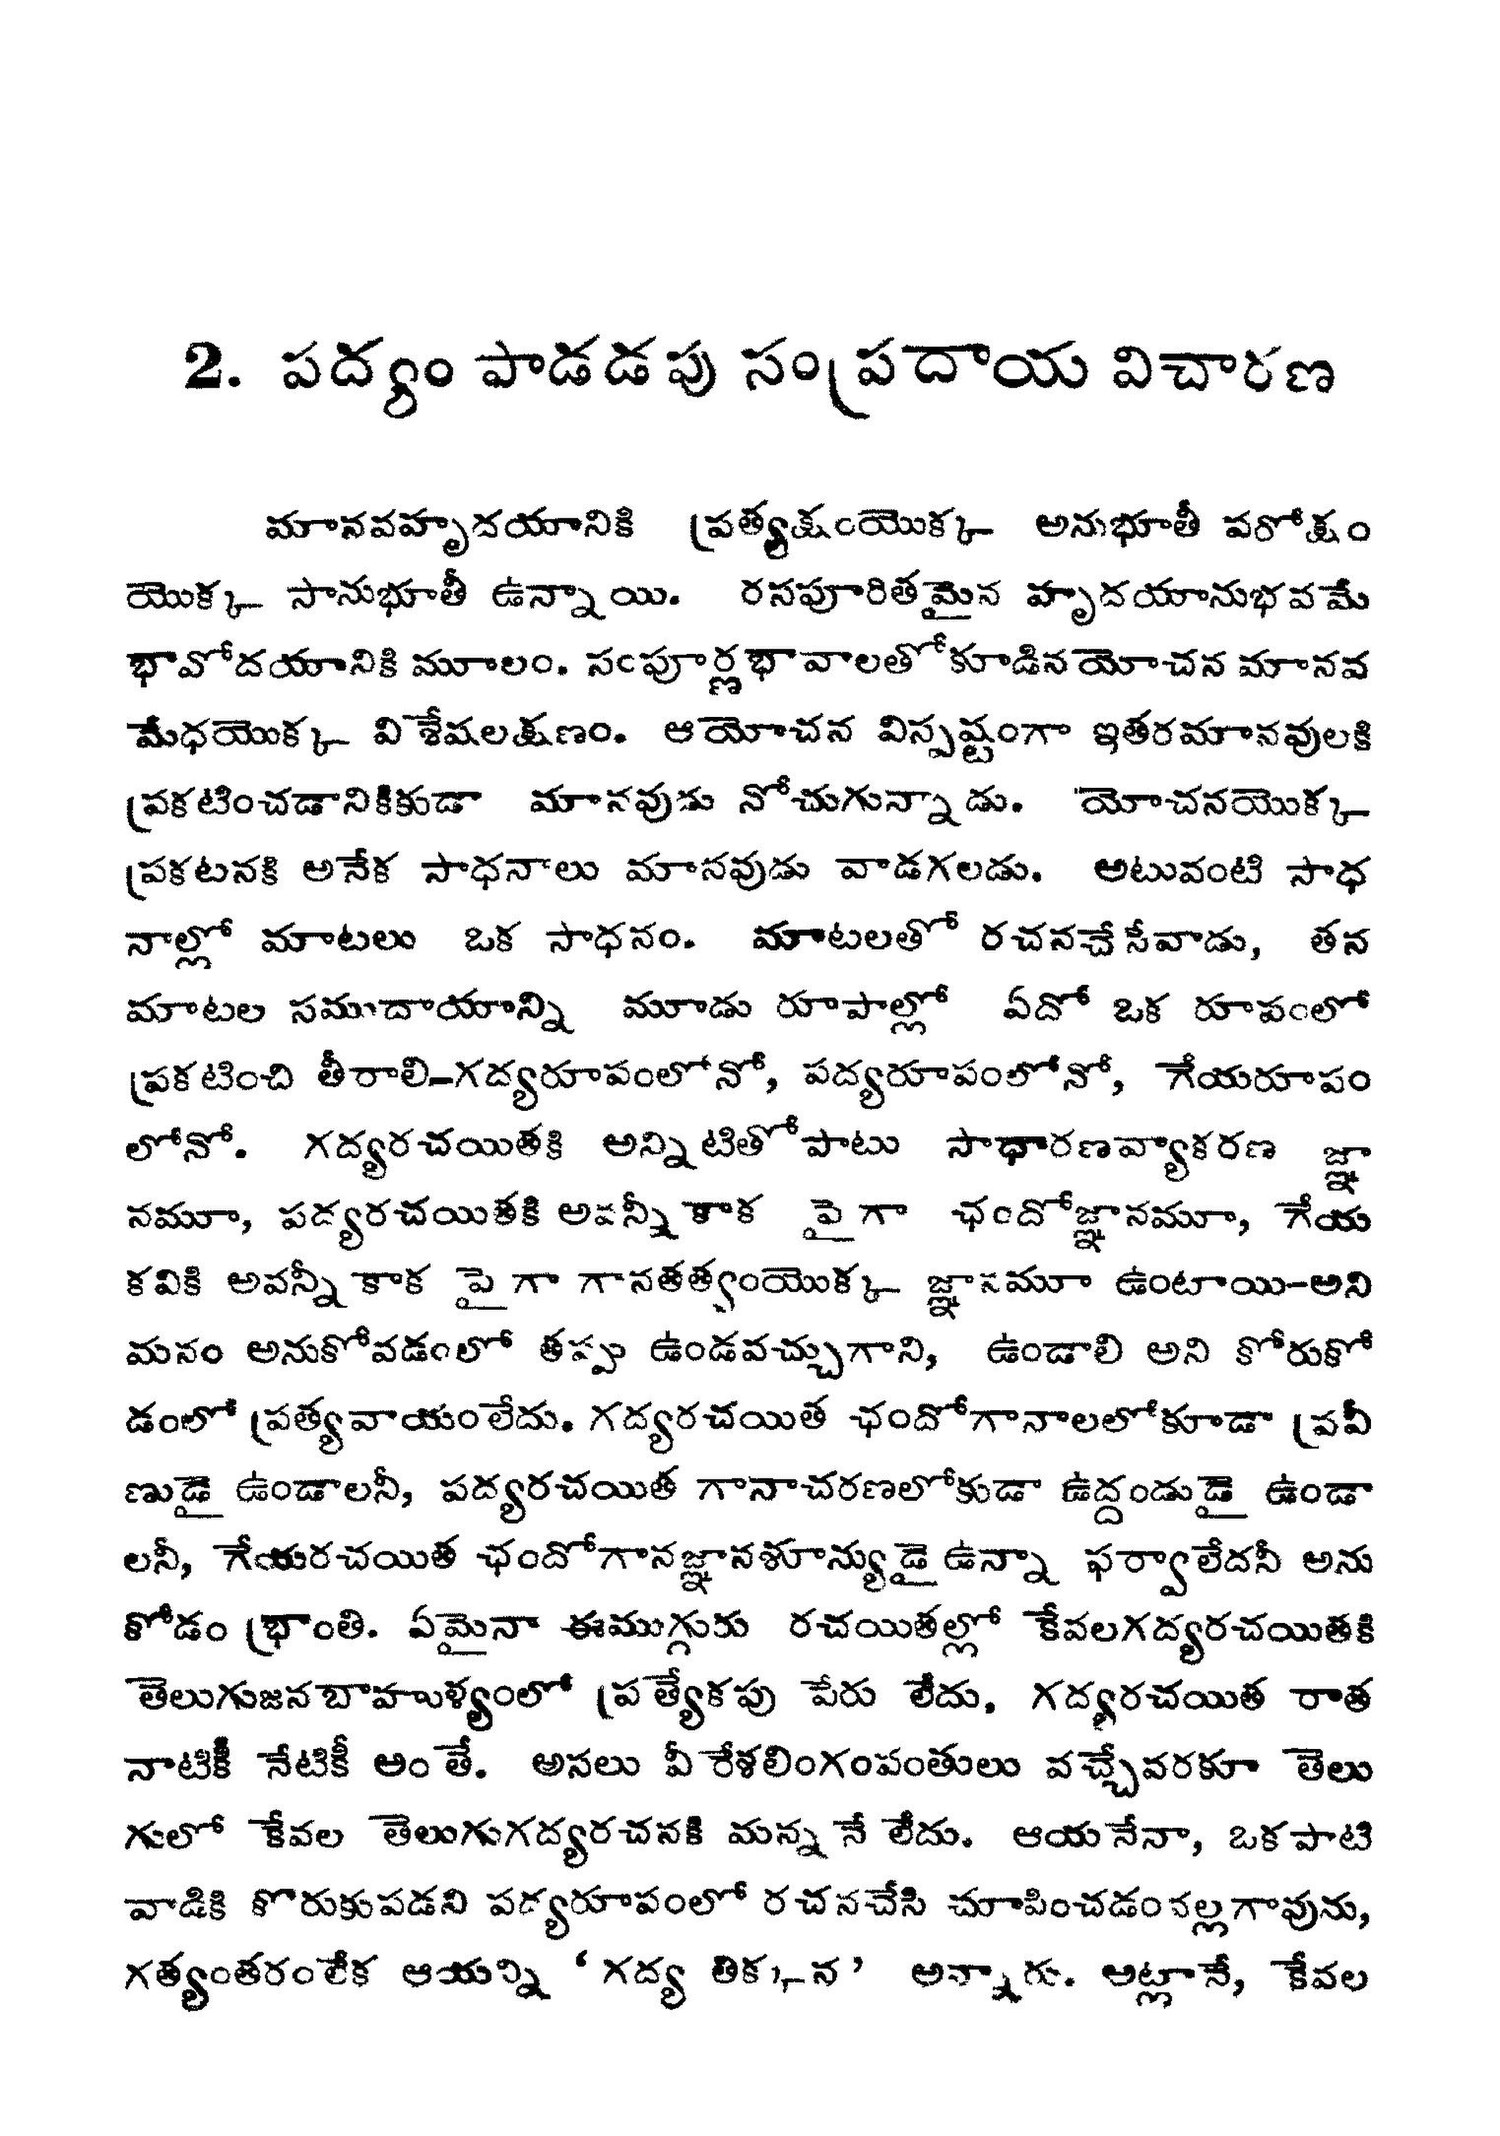2. పద్యం పాడడపు సంప్రదాయ విచారణ

మానవహృదయానికి ప్రత్యక్షంయొక్క అనుభూతీ పరోక్షం
యొక్క సానుభూతీ ఉన్నాయి. రసపూరితమైన హృదయానుభవమే
భావోదయానికి మూలం. సంపూర్ణభావాలతోకూడినయోచన మానవ
మేధయొక్క విశేషలక్షణం. ఆయోచన విస్పష్టంగా ఇతర మానవులకి
ప్రకటించడానికికుడా మానవుడు నోచుగున్నాడు. యోచనయొక్క
ప్రకటనకి అనేక సాధనాలు మానవుడు వాడగలడు. అటువంటి సాధ
నాల్లో మాటలు ఒక సాధనం. మాటలతో రచనచేసేవాడు, తన
మాటల సముదాయాన్ని మూడు రూపాల్లో ఏదో ఒక రూపంలో
ప్రకటించి తీరాలి – గద్యరూపంలోనో, పద్యరూపంలోనో, గేయరూపం
లోనో, గద్యరచయితకి అన్నిటితోపాటు సాధారణవ్యాకరణ జ్ఞా
నమూ, పద్యరచయితకి అవన్నీ కాక పైగా ఛందోజ్ఞానమూ, గేయ
కవికి అవన్నీ కాక పైగా గానతత్వంయొక్క జ్ఞానమూ ఉంటాయి-అని
మనం అనుకోవడంలో తప్పు ఉండవచ్చుగాని, ఉండాలి అని కోరుకో
డంలో ప్రత్యవాయంలేదు. గద్యరచయిత ఛందోగానాలలోకూడా ప్రవీ
ణుడై ఉండాలనీ, పద్యరచయిత గానాచరణలోకుడా ఉద్దండుడై ఉండా
లనీ, గేయరచయిత ఛందోగానజ్ఞానశూన్యుడై ఉన్నా ఫర్వాలేదనీ అను
కోడం భ్రాంతి. ఏమైనా ఈముగ్గురు రచయితల్లో కేవలగద్యరచయితకి
తెలుగుజనబాహుళ్యంలో ప్రత్యేకపు పేరు లేదు, గద్యరచయిత రాత
నాటికీ నేటికీ అంతే. అసలు వీరేశలింగంపంతులు వచ్చేవరకూ తెలు
గులో కేవల తెలుగుగద్యరచనకి మన్ననే లేదు. ఆయనేనా, ఒకపాటి
వాడికి కొరుకుపడని పద్యరూపంలో రచనచేసి చూపించడంవల్లగావును,
గత్యంతరంలేక ఆయన్ని 'గద్య తిక్కన' అన్నారు. అట్లానే, కేవల